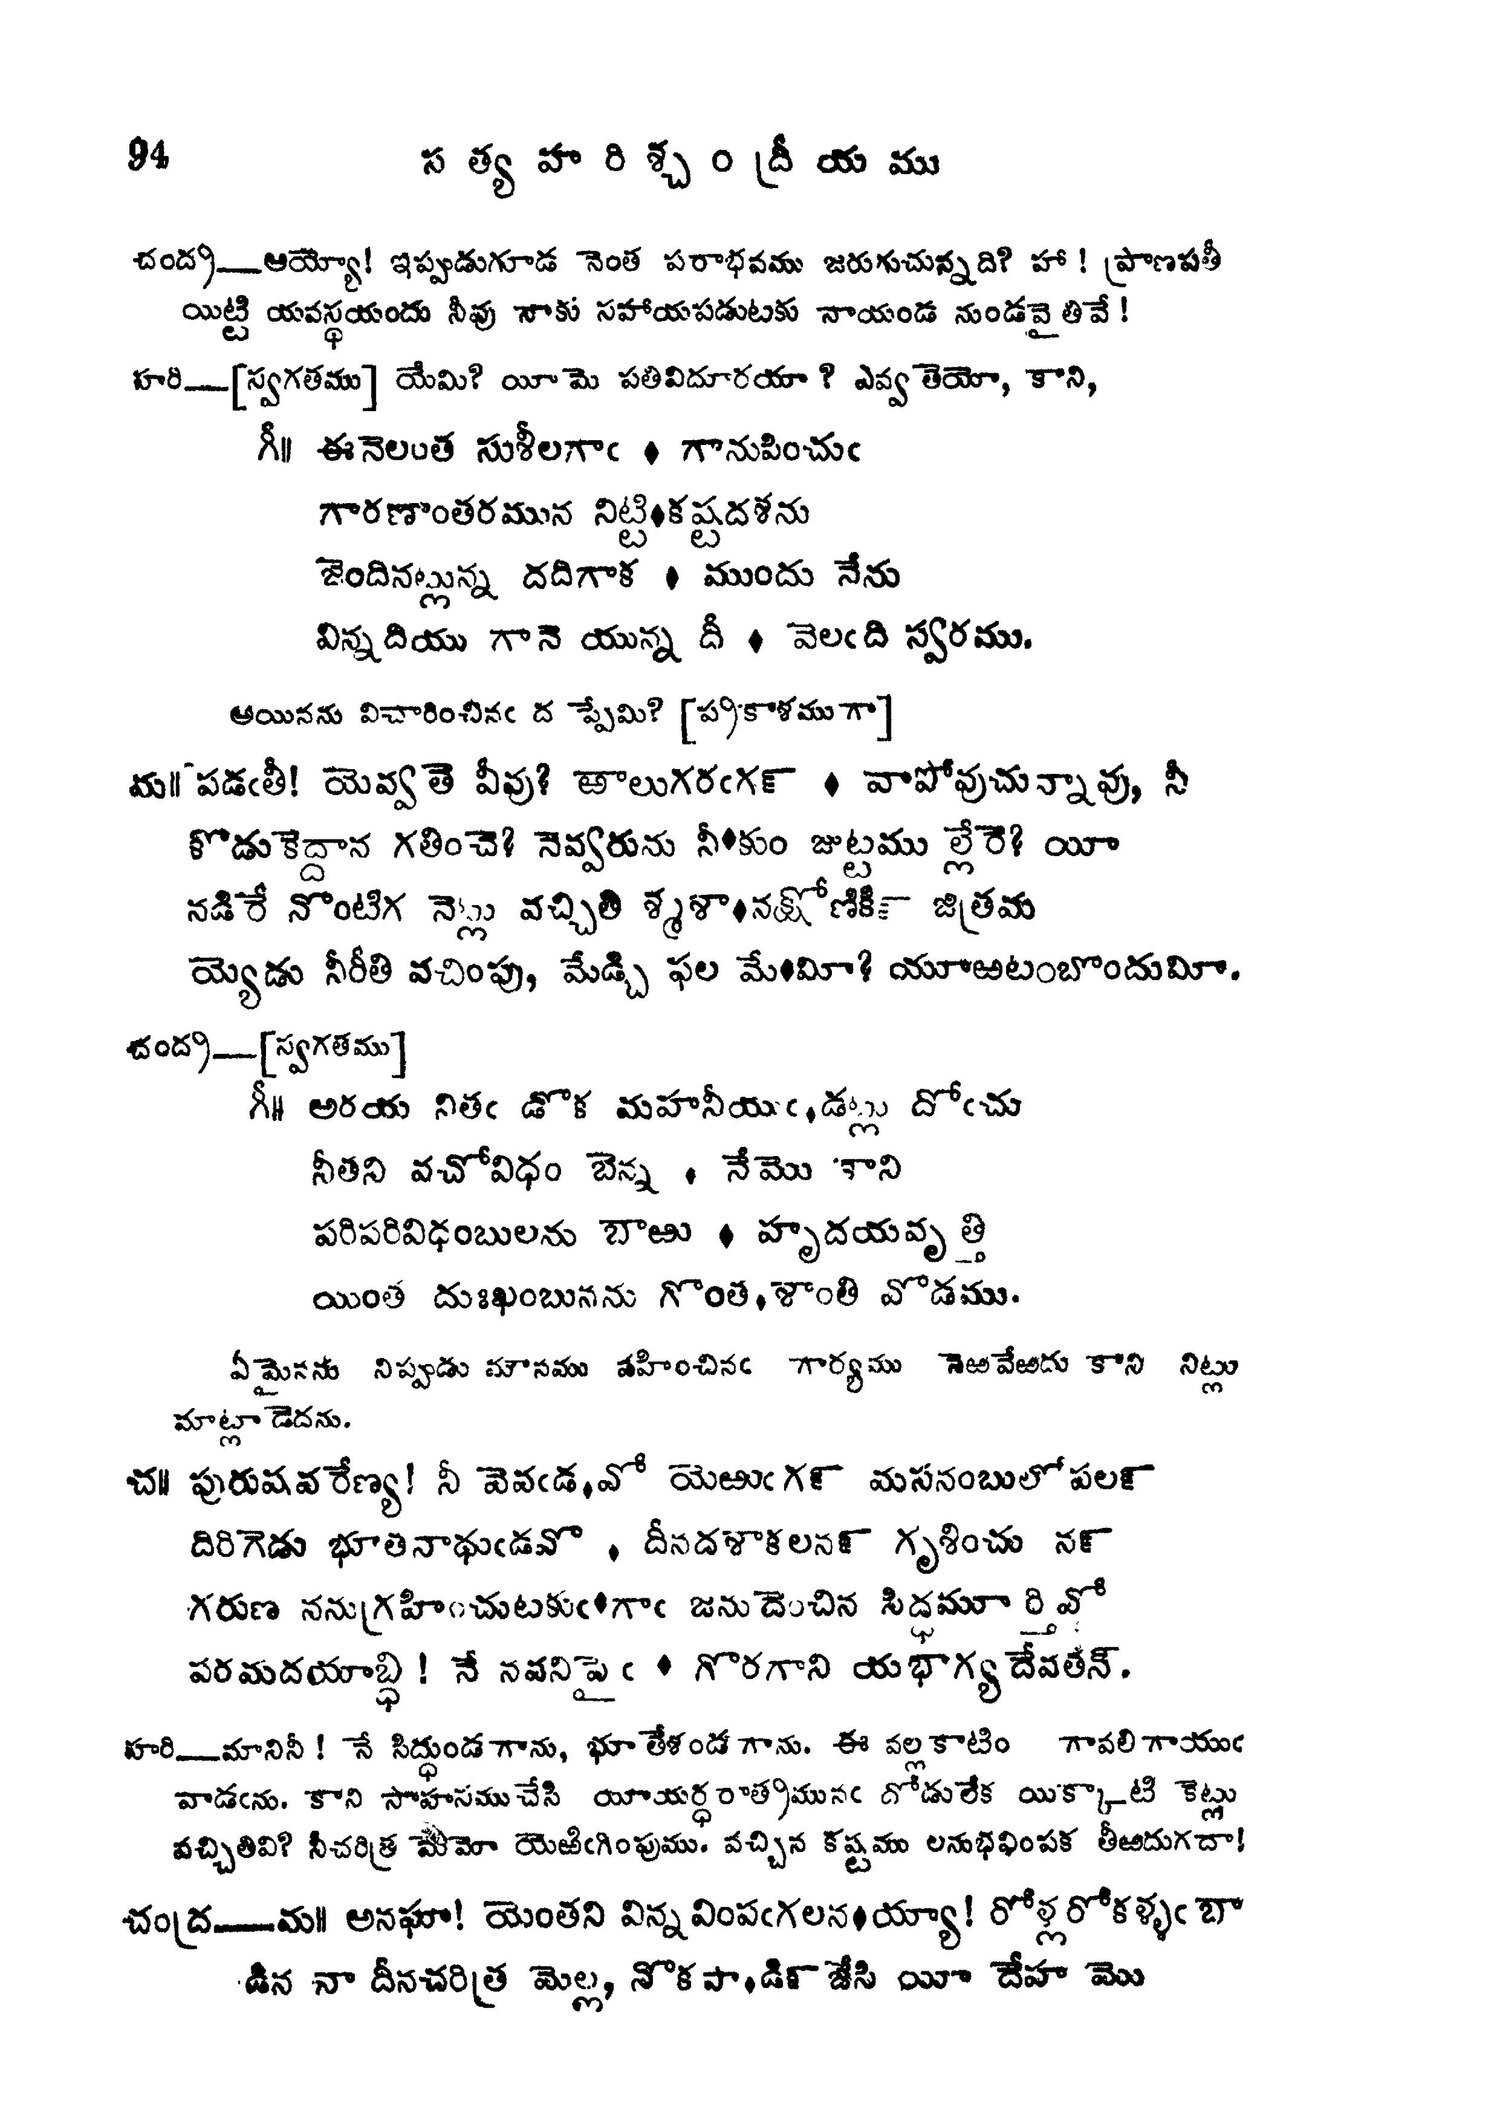చంద్ర - 	అయ్యా! ఇప్పుడు గూడ నెంత పరాభవము జరుగుచున్నది. హా ప్రాణపతీ! ఇట్టి యవస్థయందు
నీవు సహాయపడుటకు నా యండ నుండ వైతివే!

హరి - (స్వగతము) ఏమి? పతివిదూరయా? ఎవతెయో కాని,

గీ. 	ఈ నెలంత సుశీలగాఁ గానిపించుఁ
గారణాంతరమున నిట్టి కష్టదశను
జెందినట్లున్న దదికాక ముందు నేను
విన్నదియుఁ గానే యున్నది వెలది స్వరము.

అయినను విచారించిన దప్పేమి? (ప్రకాశముగా)

మ. 	పడతీ యెవ్వతెవీవు? ఱాలుగరగన్‌ వాపోవుచున్నావు నీ
కొడు కెద్దాన గతించె? నెవ్వరున్‌ నీకుం జుట్టముల్‌ లేరే యీ
నడిరే యొంటిగ నెట్లు వచ్చితి శ్మశాన క్షోణికిన్‌? జిత్ర మ
య్యెడు నీరీతి వచింపు మేడ్చి ఫలమేమీ! యూఱటం బొందుమీ.

చంద్ర - 	(స్వగతము)

గీ. 	అరయ నితఁడొక మహనీయుఁ డట్లు తోఁచు
నీతని వచోవిధం బెన్న నేమొ కాని
పరిపరివిధంబులను బాఱు హృదయవృత్తి
యింత దుఃఖంబునన్‌ గొంత శాంతి వొడము.

ఏమైనను నిప్పుడు మౌనము వహించిన గార్యము నెఱవేఱదు కాన నిట్లు మాట్లాడెదను.

చ. 	పురుషవరేణ్య! నీ వెవఁడవో యెఱుఁగన్‌ మసనంబు లోపలన్‌
దిరిగెడు భూతనాధుడవొ దీనదశాకలనన్‌ గృశించు నన్‌
గరుణ ననుగ్రహించుటకుఁ గా నరుదెంచిన సిద్ధమూర్తివో
పరమదయాబ్ధి నే నవని పైఁ గొఱగాని యభాగ్య దేవతన్‌.

హరి - 	మానినీ! నే సిద్ధుండ గాను, భూతేశుండఁ గాను. ఈ వల్లకాటికిం గావలి గాయువాఁడను.
కాని సాహసము చేసి యీ యర్ధరాత్రమునఁ దోడులేక యిక్కాటికెట్లు వచ్చితివి? నీ చరిత్రయేమో
యెఱింగింపుము. వచ్చిన కష్టము లనుభవింపక తీఱదు కదా!

చంద్ర -
మ. 	అనఘా! ఎంతని విన్నవింపగలనయ్యా! రోళ్ళరోకళ్లదా
బాడిన నాదీన చరిత్ర మెల్ల నొకపాడిన్‌ జేసి యీ దేహమొ